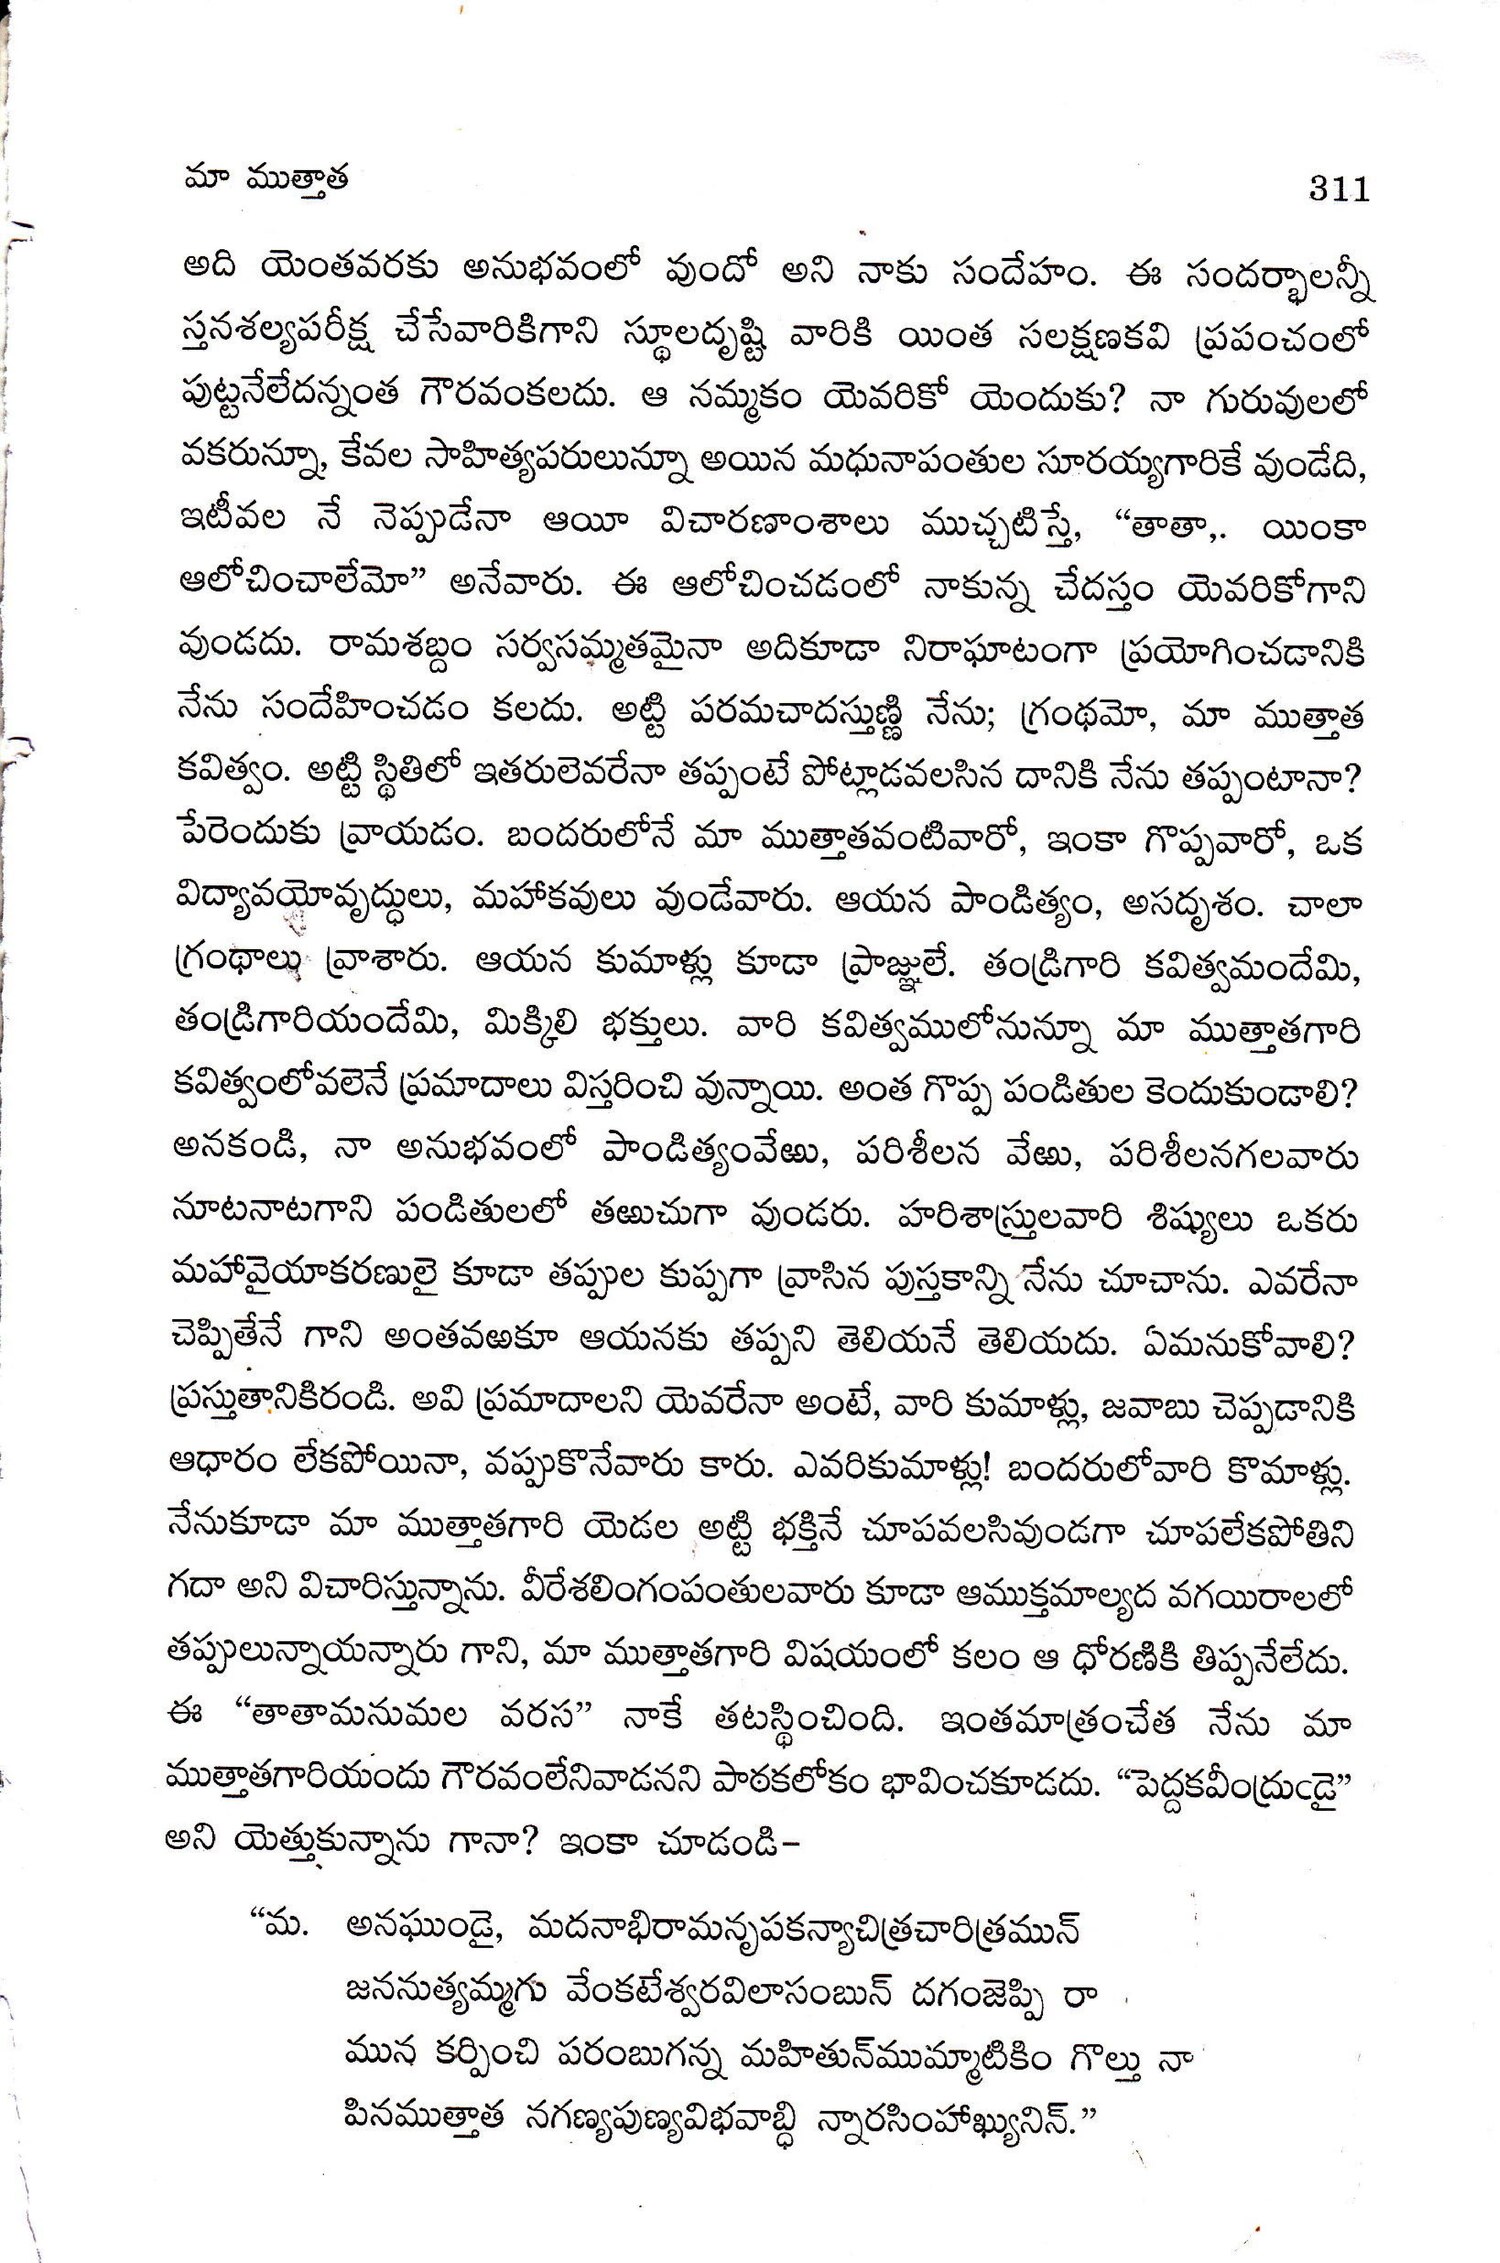అది యెంతవరకు అనుభవంలో వుందో అని నాకు సందేహం. ఈ సందర్భాలన్నీ స్తనశల్యపరీక్ష చేసేవారికిగాని స్థూలదృష్టి వారికి యింత సలక్షణకవి ప్రపంచంలో పుట్టనేలేదన్నంత గౌరవంకలదు. ఆ నమ్మకం యెవరికో యెందుకు? నా గురువులలో వకరున్నూ, కేవల సాహిత్యపరులున్నూ అయిన మధునాపంతుల సూరయ్యగారికే వుండేది. ఇటీవల నే నెప్పుడేనా ఆయీ విచారణాంశాలు ముచ్చటిస్తే, “తాతా,. యింకా ఆలోచించాలేమో" అనేవారు. ఈ ఆలోచించడంలో నాకున్న చేదస్తం యెవరికోగాని వుండదు. రామశబ్దం సర్వసమ్మతమైనా అదికూడా నిరాఘాటంగా ప్రయోగించడానికి నేను సందేహించడం కలదు. అట్టి పరమచాదస్తుణ్ణి నేను; గ్రంథమో, మా ముత్తాత కవిత్వం. అట్టి స్థితిలో ఇతరులెవరేనా తప్పంటే పోట్లాడవలసిన దానికి నేను తప్పంటానా? పేరెందుకు వ్రాయడం. బందరులోనే మా ముత్తాతవంటివారో, ఇంకా గొప్పవారో, ఒక విద్యావయోవృద్దులు, మహాకవులు వుండేవారు. ఆయన పాండిత్యం, అసదృశం. చాలా గ్రంథాలు వ్రాశారు. ఆయన కుమాళ్లు కూడా ప్రాజ్ఞులే. తండ్రిగారి కవిత్వమందేమి, తండ్రిగారియందేమి, మిక్కిలి భక్తులు. వారి కవిత్వములోనున్నూ మా ముత్తాతగారి కవిత్వంలోవలెనే ప్రమాదాలు విస్తరించి వున్నాయి. అంత గొప్ప పండితుల కెందుకుండాలి? అనకండి, నా అనుభవంలో పాండిత్యంవేఱు, పరిశీలన వేఱు, పరిశీలనగలవారు నూటనాటగాని పండితులలో తఱుచుగా వుండరు. హరిశాస్త్రులవారి శిష్యులు ఒకరు మహావైయాకరణులై కూడా తప్పుల కుప్పగా వ్రాసిన పుస్తకాన్ని నేను చూచాను. ఎవరేనా చెప్పితేనే గాని అంతవఱకూ ఆయనకు తప్పని తెలియనే తెలియదు. ఏమనుకోవాలి? ప్రస్తుతానికిరండి. అవి ప్రమాదాలని యెవరేనా అంటే, వారి కుమాళ్లు, జవాబు చెప్పడానికి ఆధారం లేకపోయినా, వప్పుకొనేవారు కారు. ఎవరికుమాళ్లు! బందరులోవారి కొమాళ్లు, నేనుకూడా మా ముత్తాతగారి యెడల అట్టి భక్తినే చూపవలసివుండగా చూపలేకపోతిని గదా అని విచారిస్తున్నాను. వీరేశలింగంపంతులవారు కూడా ఆముక్తమాల్యద వగయిరాలలో తప్పులున్నాయన్నారు గాని, మా ముత్తాతగారి విషయంలో కలం ఆ ధోరణికి తిప్పనేలేదు. ఈ “తాతామనుమల వరస” నాకే తటస్థించింది. ఇంతమాత్రంచేత నేను మా ముత్తాతగారియందు గౌరవంలేనివాడనని పాఠకలోకం భావించకూడదు. "పెద్దకవీంద్రుఁడై" అని యెత్తుకున్నాను గానా? ఇంకా చూడండి

“మ. అనఘుండై, మదనాభిరామనృపకన్యాచిత్రచారిత్రమున్
 జననుత్యమ్మగు వేంకటేశ్వరవిలాసంబున్ దగంజెప్పి రా 
 మున కర్పించి పరంబుగన్న మహితున్‌ముమ్మాటికిం గొల్లు నా 
 పినముత్తాత నగణ్యపుణ్యవిభవాబ్ది న్నారసింహాఖ్యునిన్." -